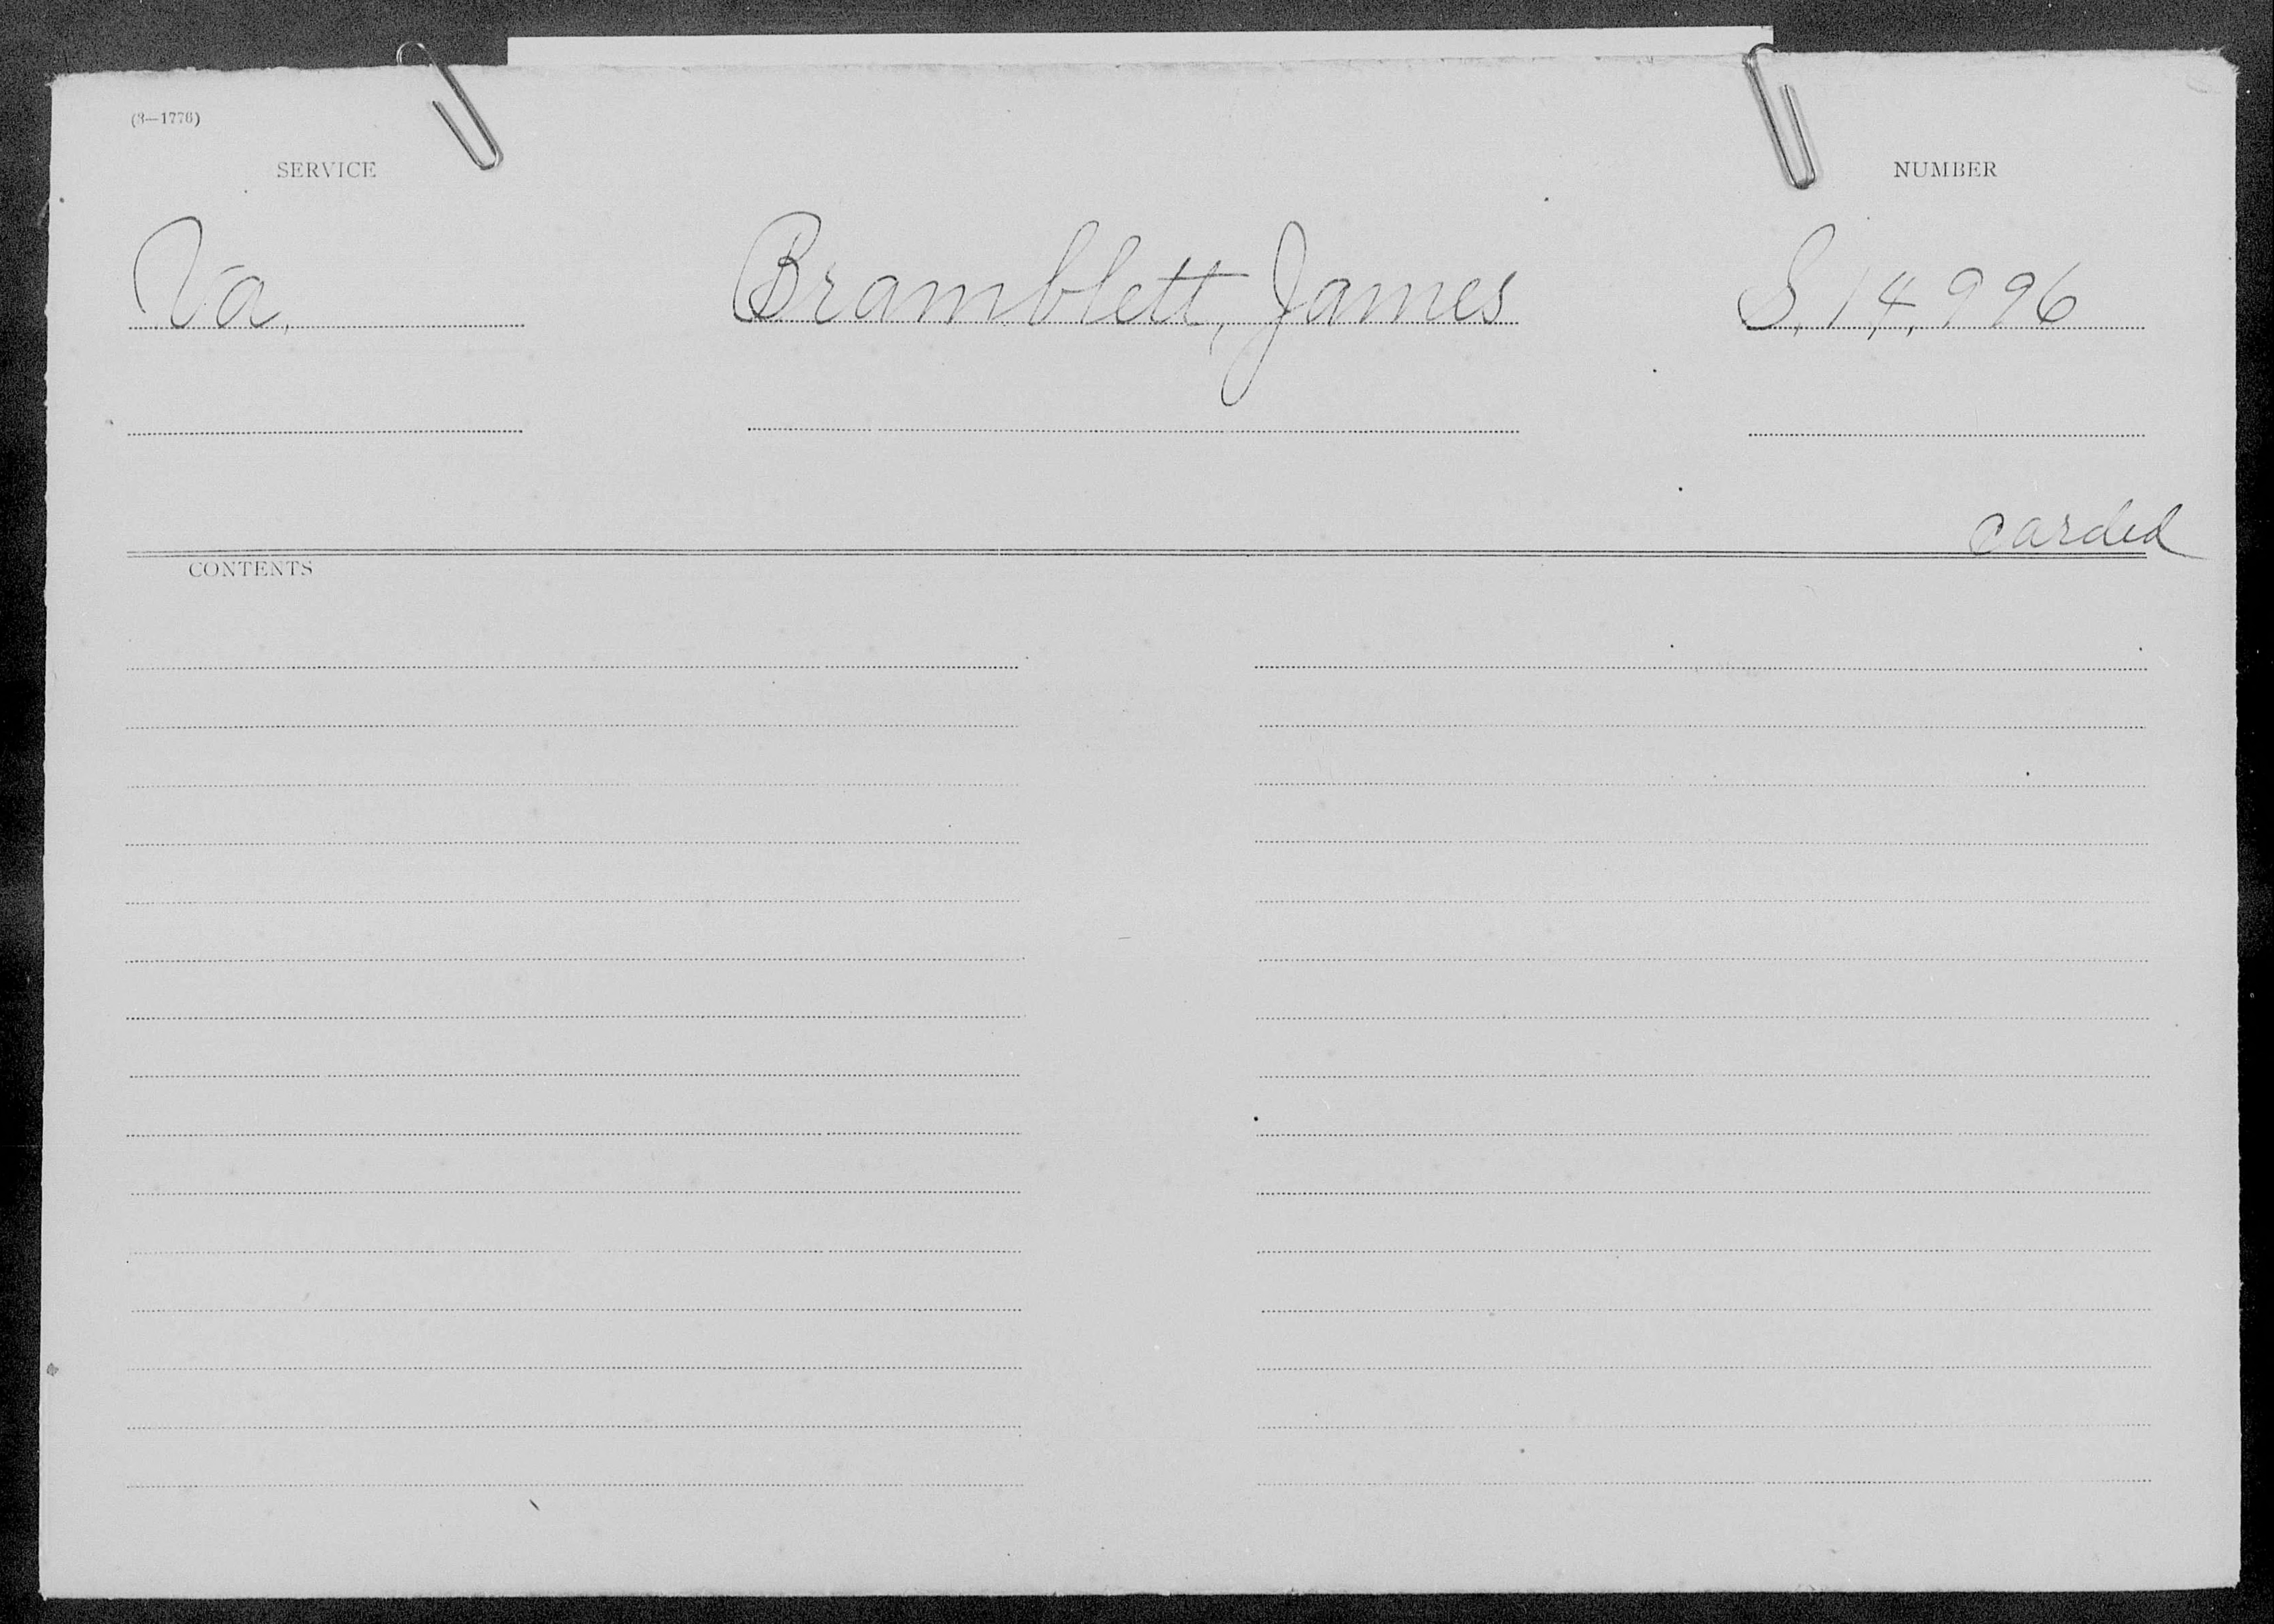SERVICE NUMBER
Va. Bramblett, James S. 14,996
carded
CONTENTS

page: 1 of 30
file: S, 14,996, James Bramblett, Va.